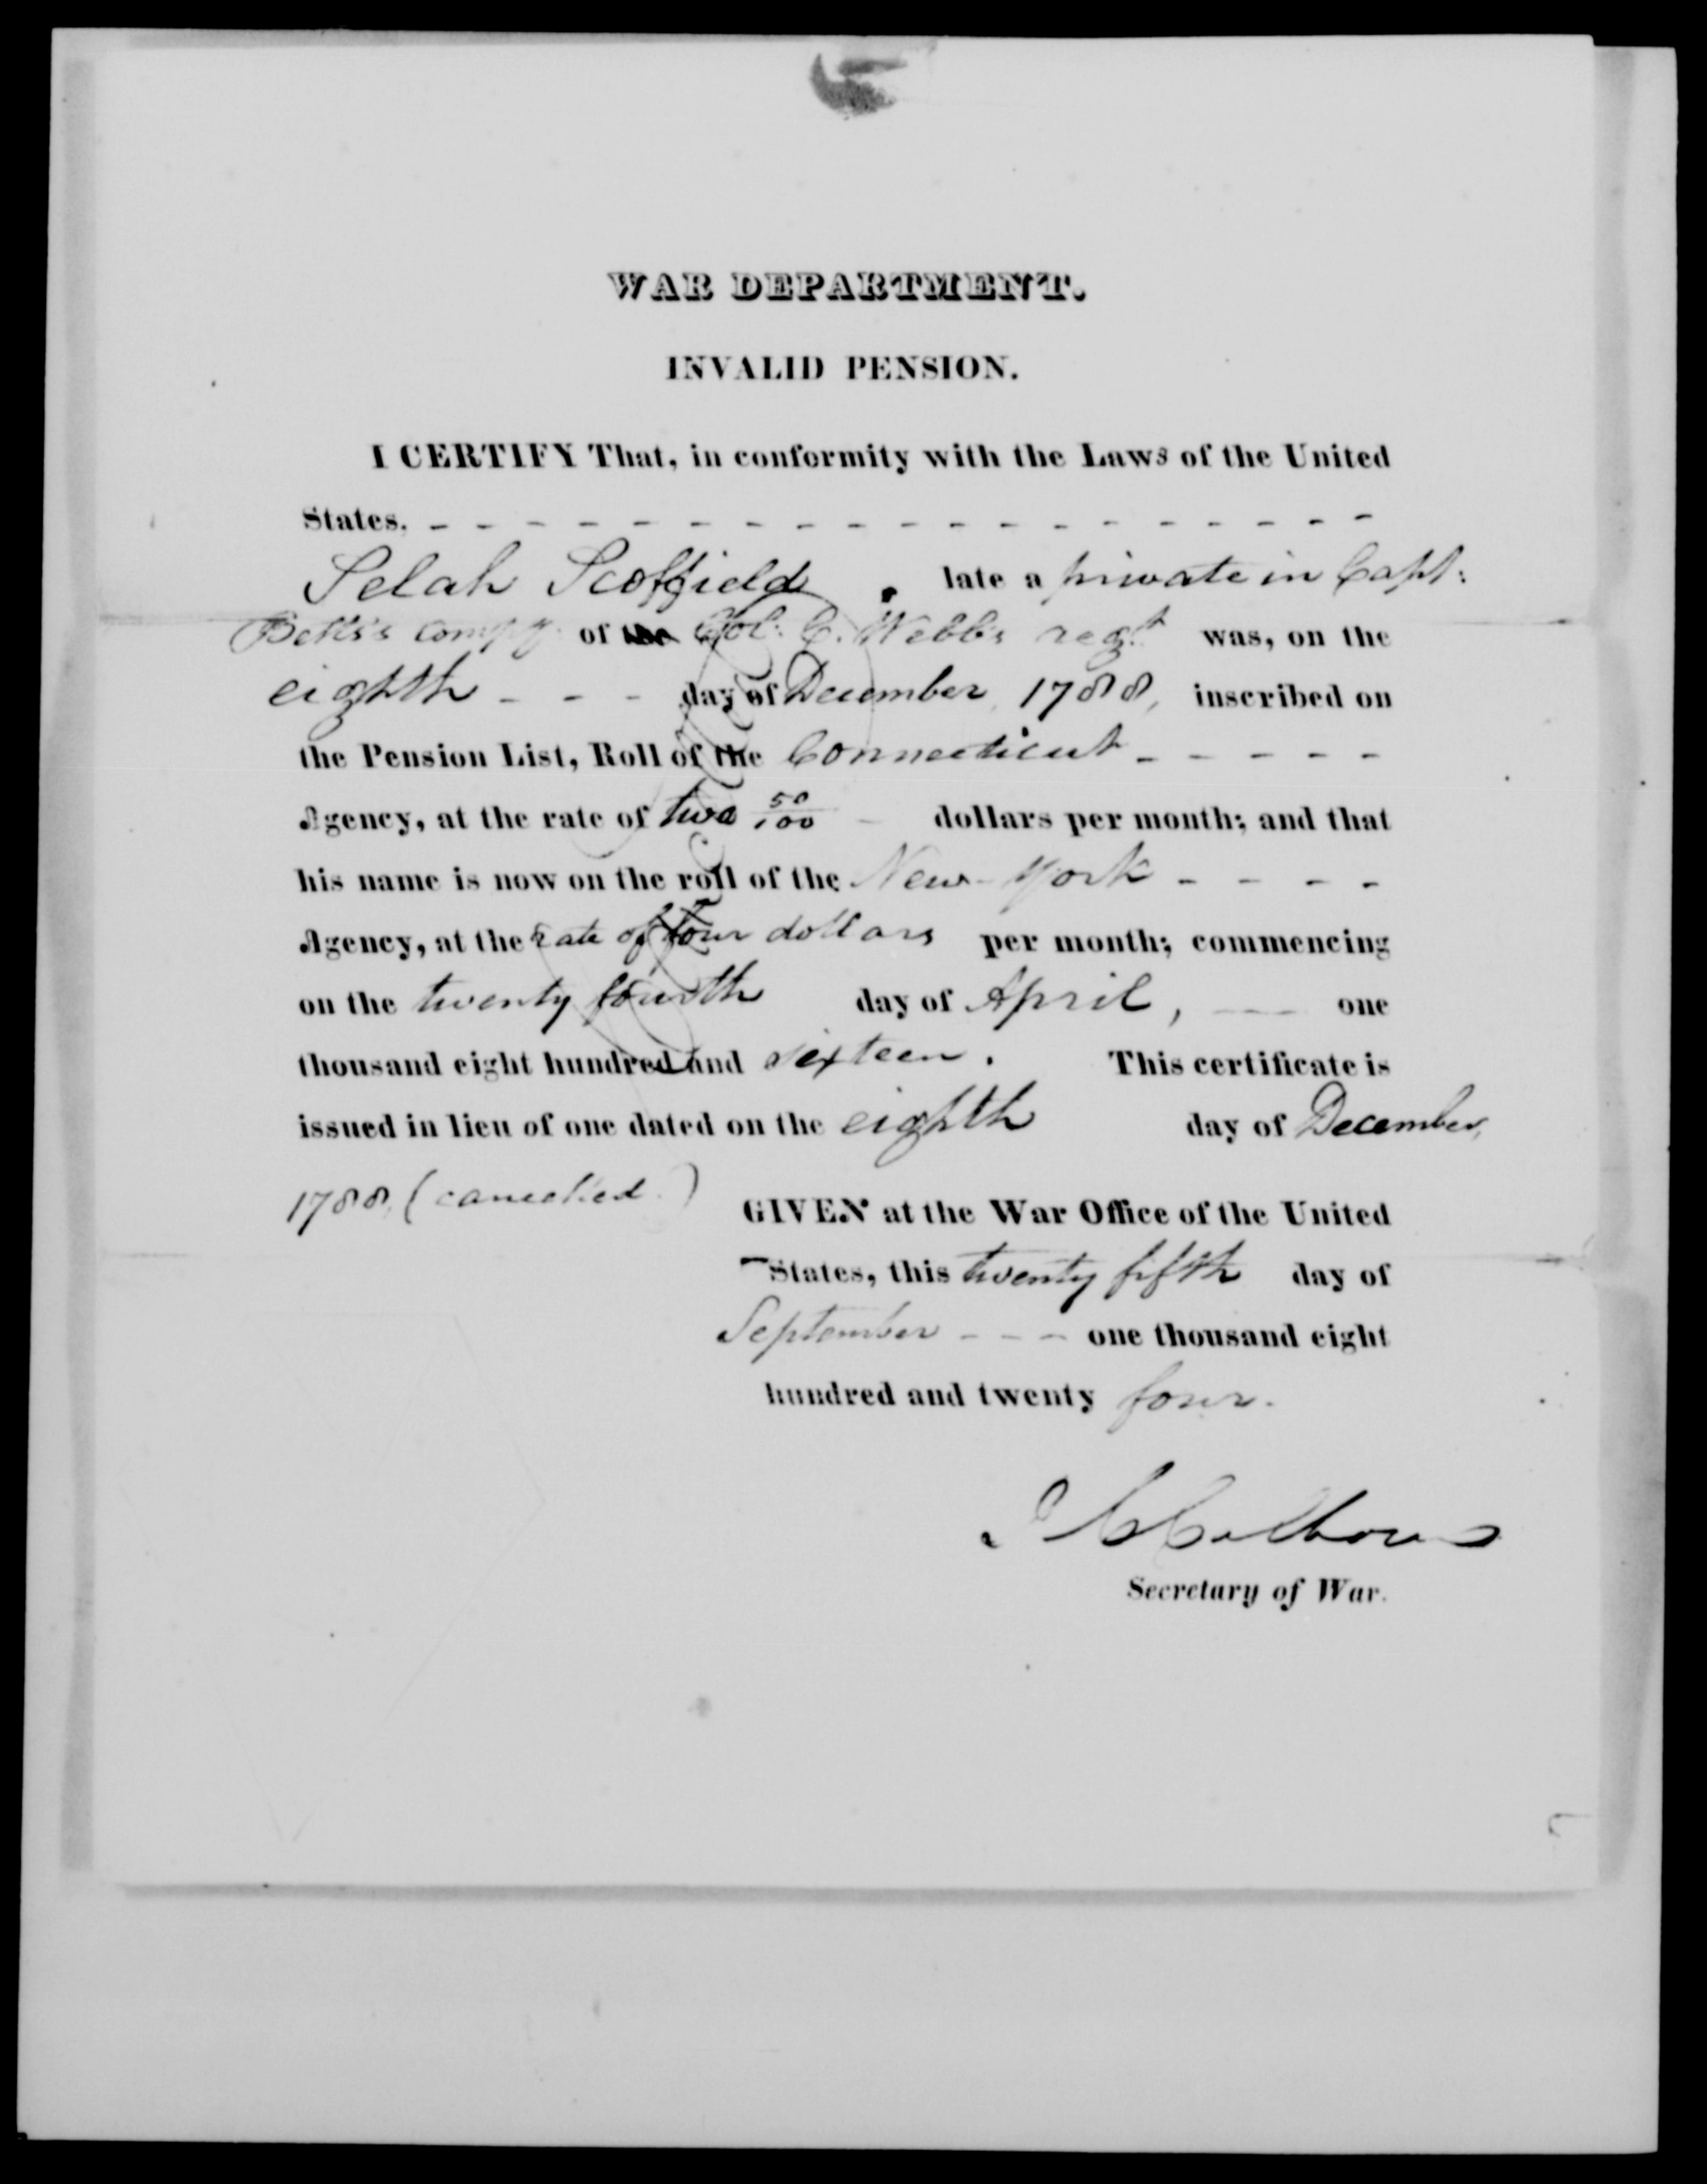WAR DEPARTMENT. 
INVALID PENSION. 
I CERTIFY That, in conformity with the Laws of the United States. Selah Scoffield late a private in Capt Bett's Col. C. Webbs Regt was, on the eighth day of December 1788, inscribed on the Pension List, Roll of the Connecticut  Agency, at the rate of two 50/100  Dollars per month, and that his name is now on the roll of the New York Agency, at the rate of four dollars per month, commencing on the twenty fourth day of April, one thousand eight hundred and sixteen. This certificate is issued in lien of one dated on the eighth day of December 1788, (cancelled) 
GIVEN at the War Office of the United States , this twenty fifth day of September one thousand eight hundred and twenty four 
J. C. Calhoun Secretary of War.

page: 13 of 36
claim: survivor's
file: S. 10,004, for Seely Scofield, Connecticut